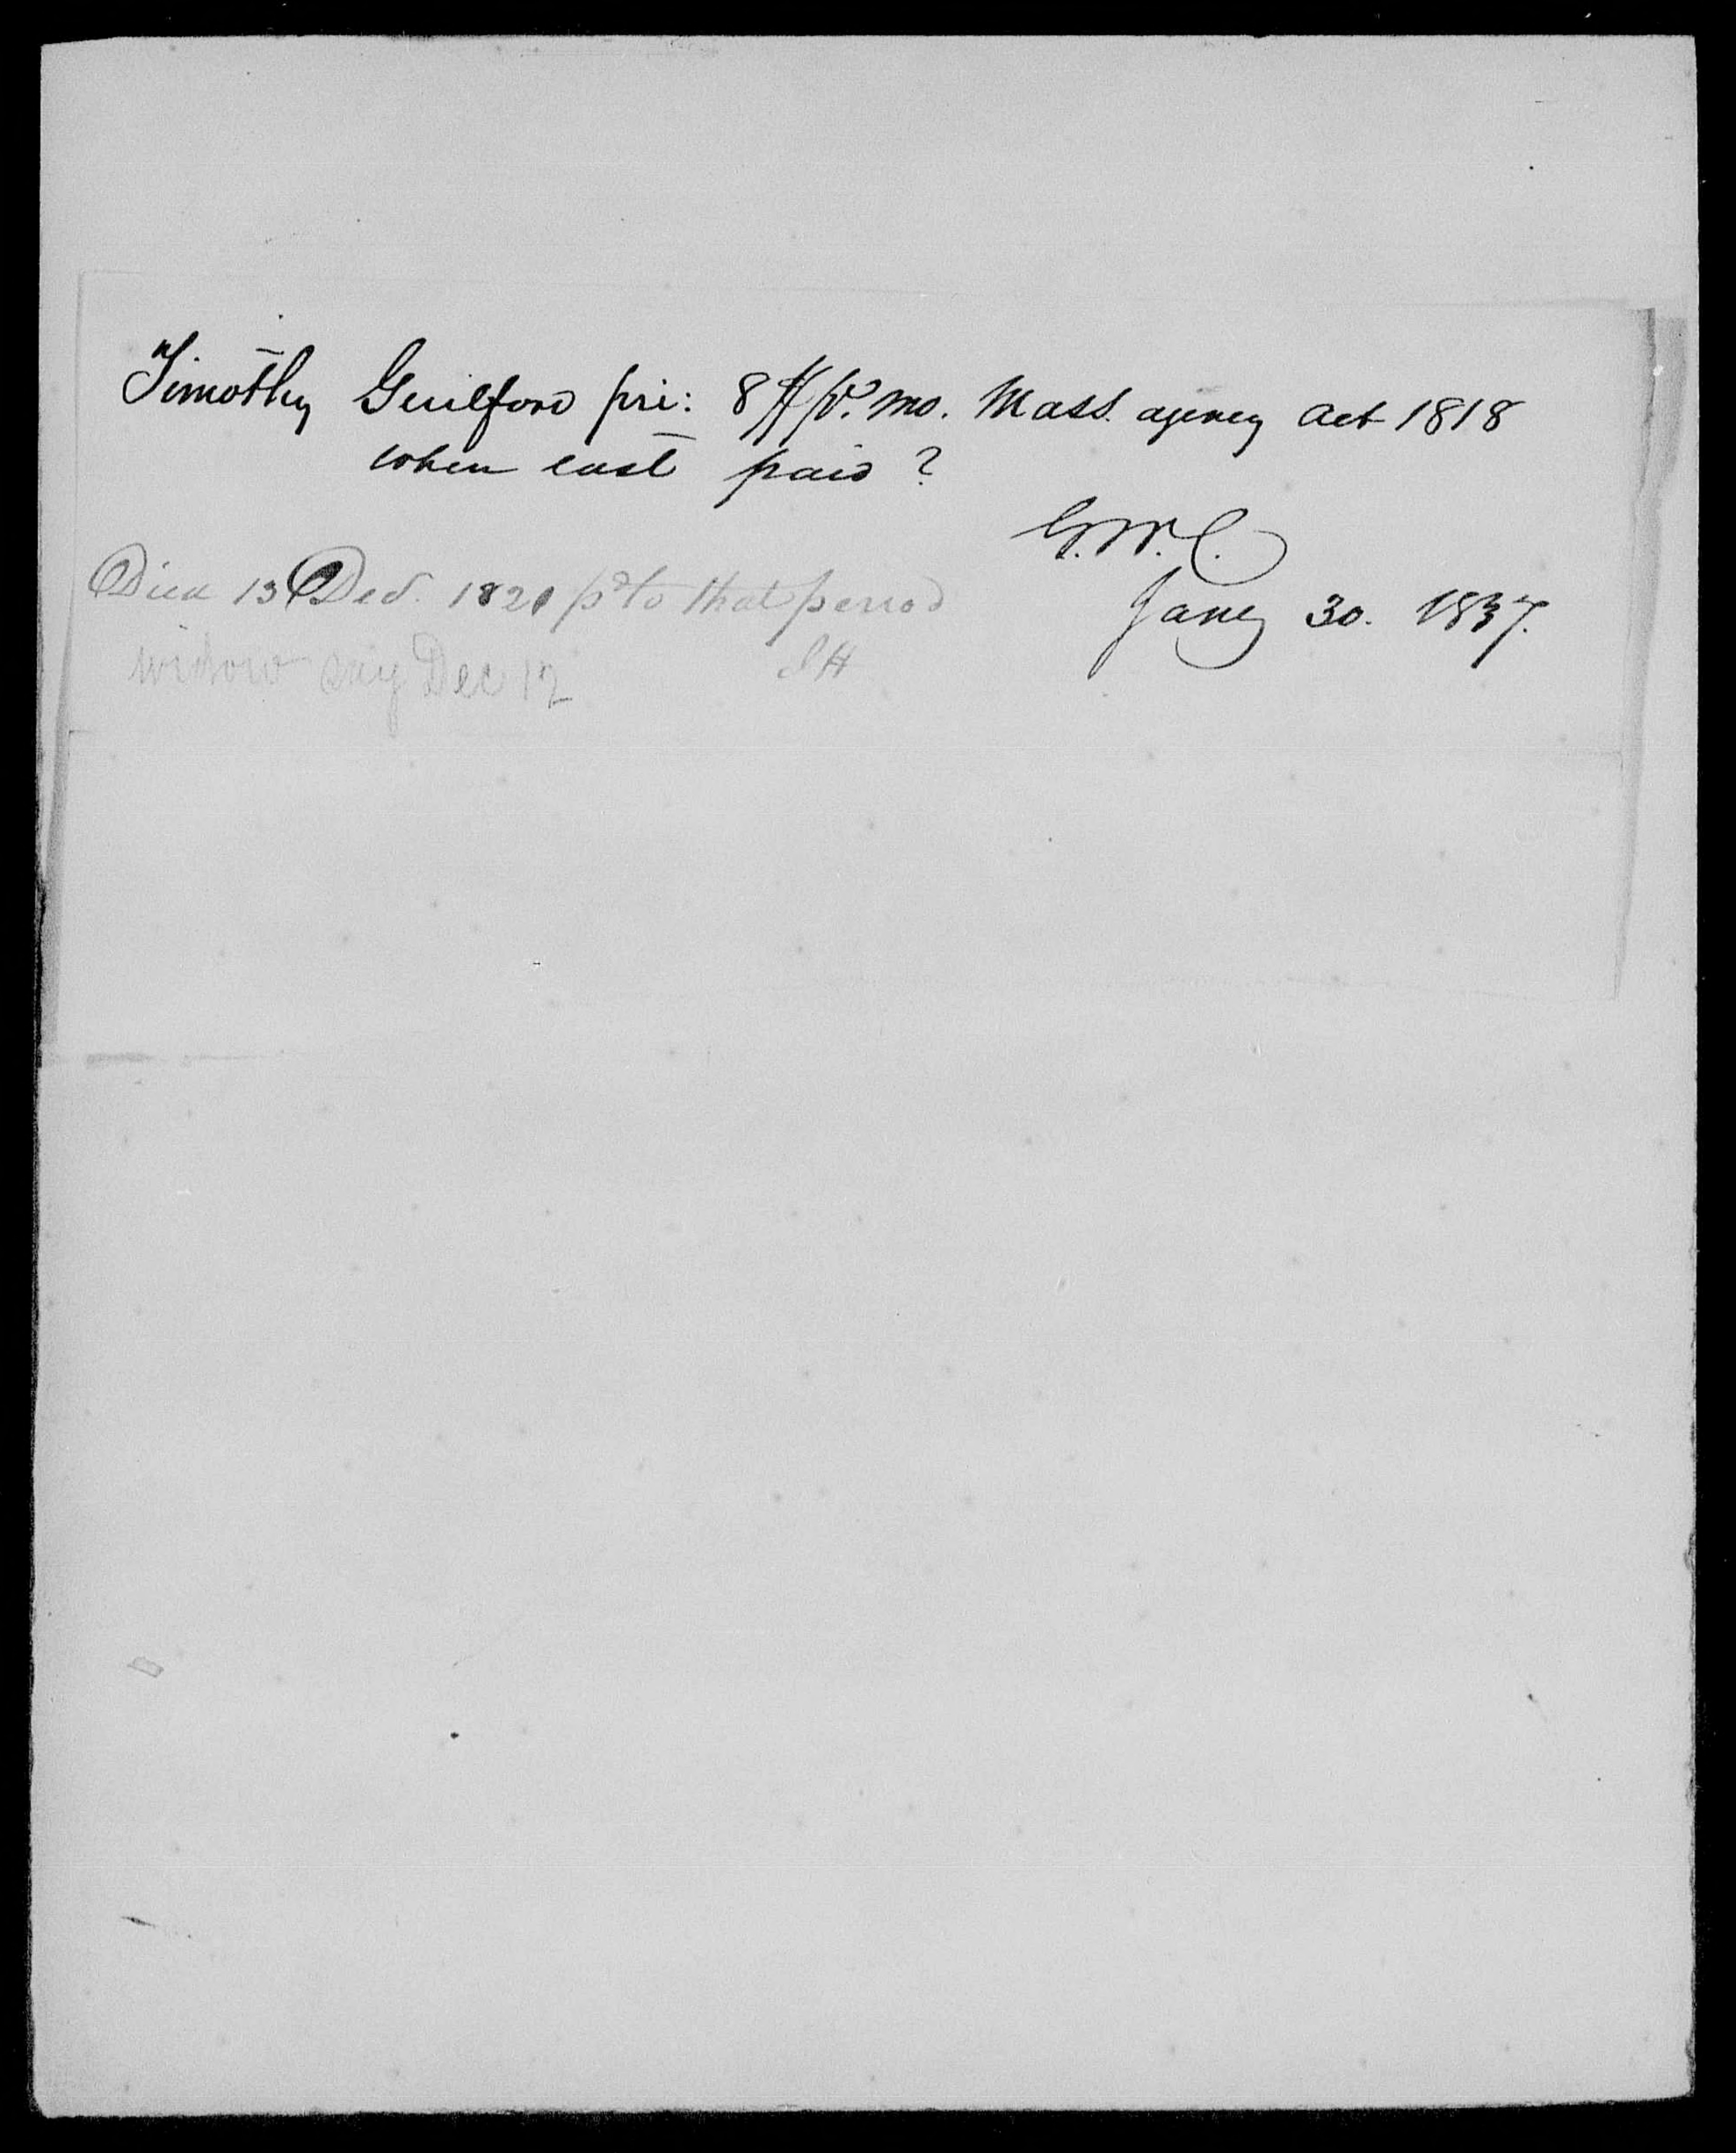Timothy Guilford pri: 8 (?) mo. Mass. agency Act 1818 when east paid?

[written to the right side of the page]
[initials]
Jany 301837

Died 13 Dec. 1821 p. to that period

IH [written on the line below and to the right]

widow say Dec 12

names: Timothy Guilford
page: 23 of 26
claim: widow's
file: W. 21,238, Timothy Guilford, Mass.